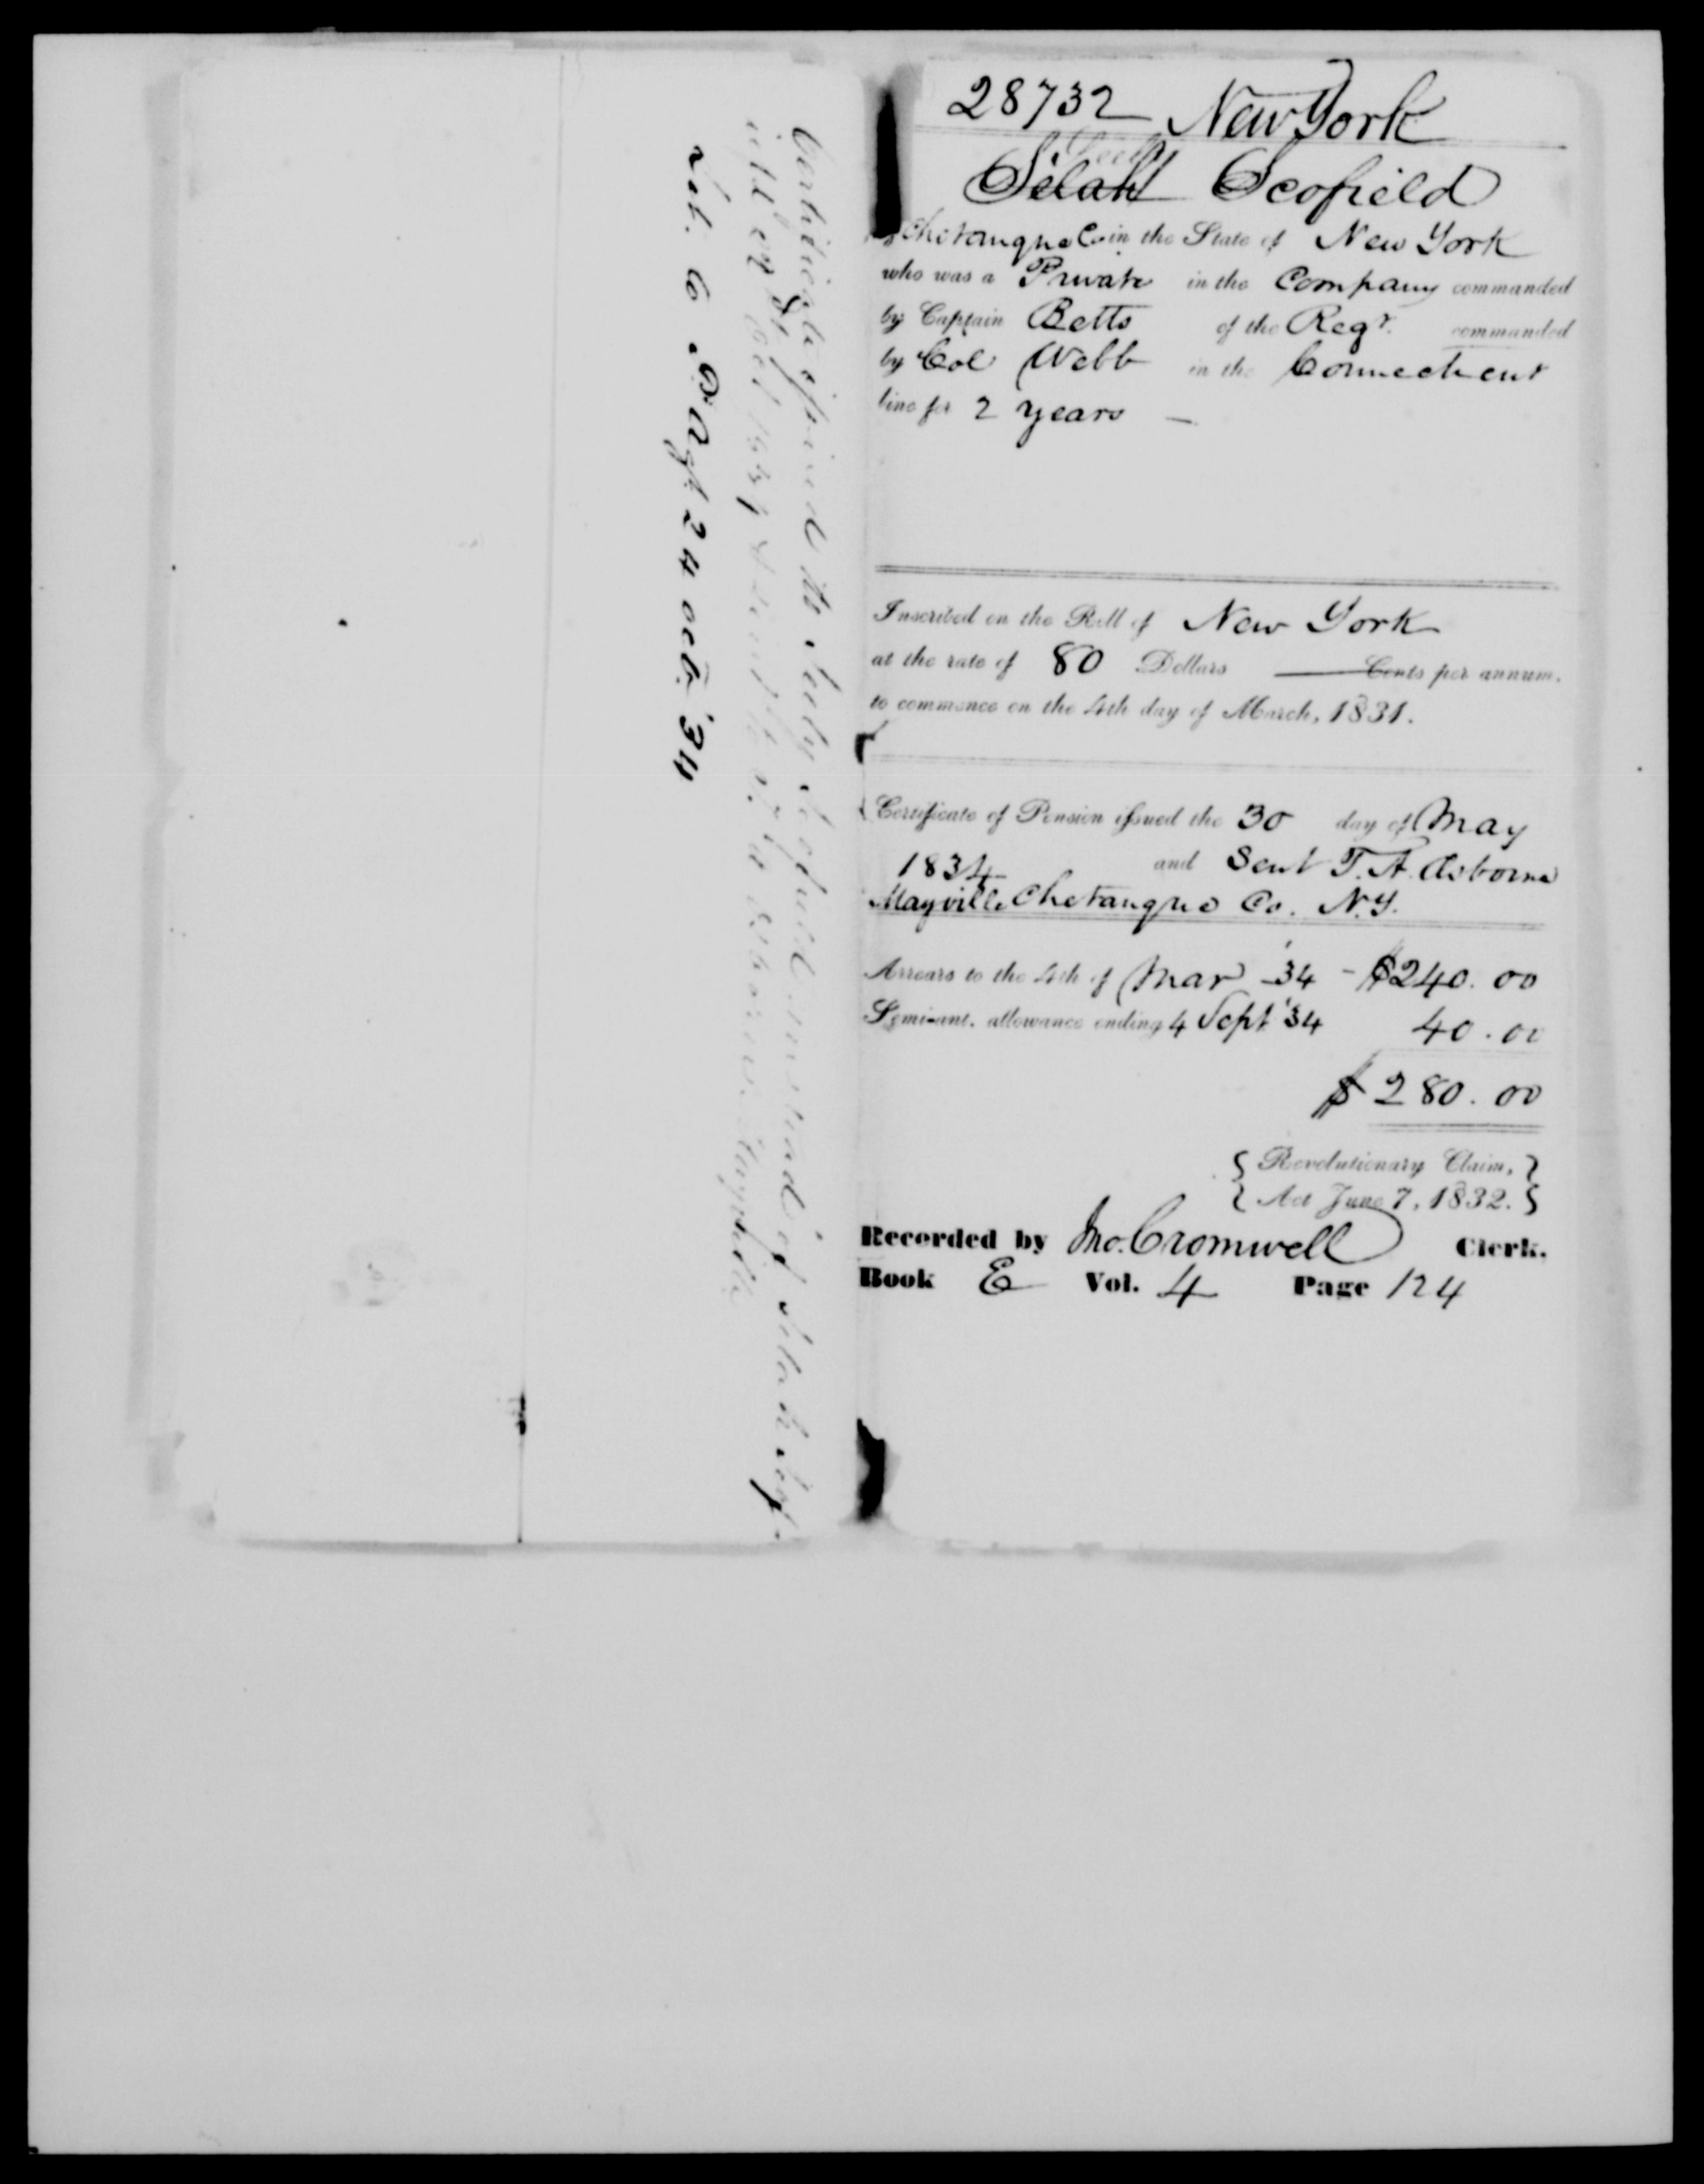Certificate issued to Seely Scofield instead of Selah Scofield 22nd Oct 1834 & sent to T. A. Asborne Mayville 
Let to P. Agt [pension agent] 24 Octr ‘34
28732 New York 
Seely
Selah Scofield Chautauqua Co in the State of New York who was a Private in the Company commanded by Captain Betts of the Regt by Col Webb in the Connecticut line for 2 years.
Inscribed in the Roll of New York at the rate of 80 Dollars Cents per annum to commence on the 4th day of March, 1831. 
Certificate of Pension issued the 30 day of May 1834 and sent T. A. Asborne Mayville Chautauqua Co. N.Y. 
Arrears to the 4th of Mar ‘34 - $240.00 
Semi-anl allowance ending 4 Sept ‘34  40.00 
$280.00 
{Revolutionary Claim, Act June 7, 1832.}
Recorded by Jno Cromwell Clerk 
Book E Vol. 4 Page 124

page: 2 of 36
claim: survivor's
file: S. 10,004, for Seely Scofield, Connecticut